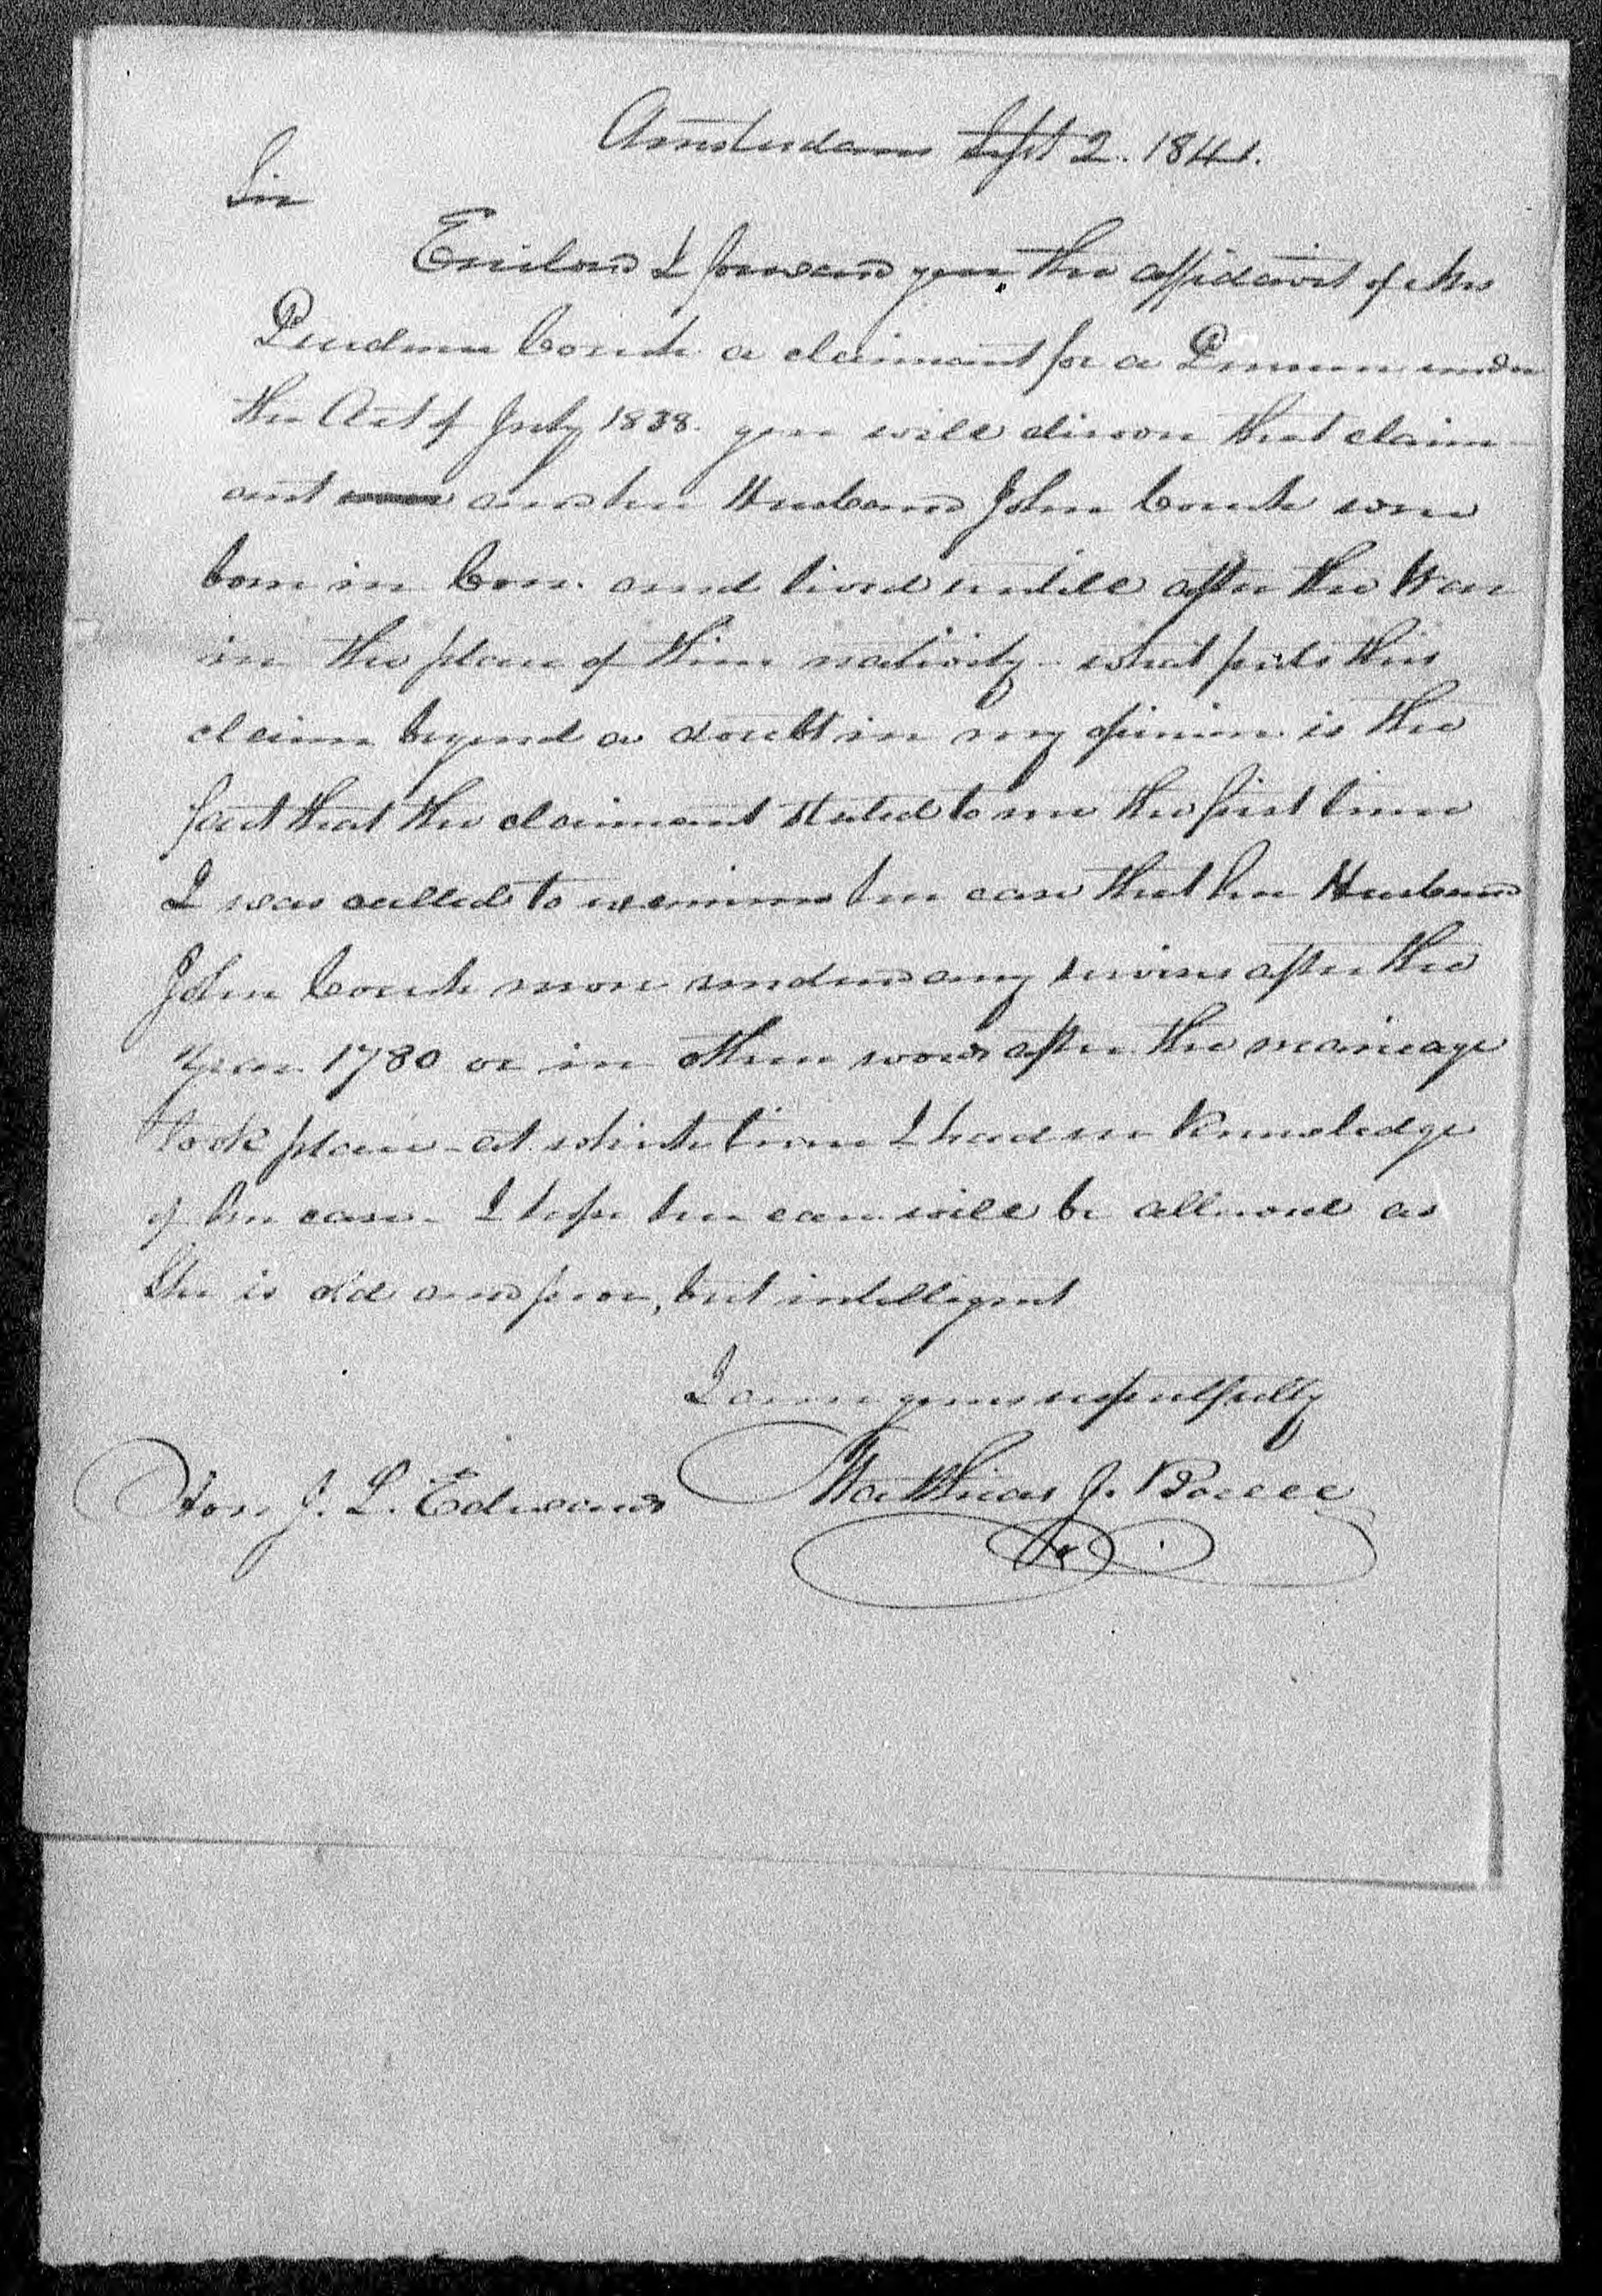Amsterdam Sept. 2, 1841
Sir
Enclosed I forward you the affidavit of Mrs Prudence Couch a claimant for a pension under the act of July 1838, you will discover that claimant and her husband John Couch were born and lived until after the War in the place of their nativity, what puts this claim beyond a doubt in my opinion is the fact that this claimant stated to me the first time I was called to examine her case that her husband John Couch more  rendered any services after the year 1780 or in other words after the marriage took place, at which time I had in knowledge of her case. I hope her case will be allowed as she is old and poor, but intelligent.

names: J L Edwards, Matthias J Bovee, Prudence Couch, John Couch, John Couch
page: 56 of 68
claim: rejected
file: R. 2,360, John Couch, Conn.